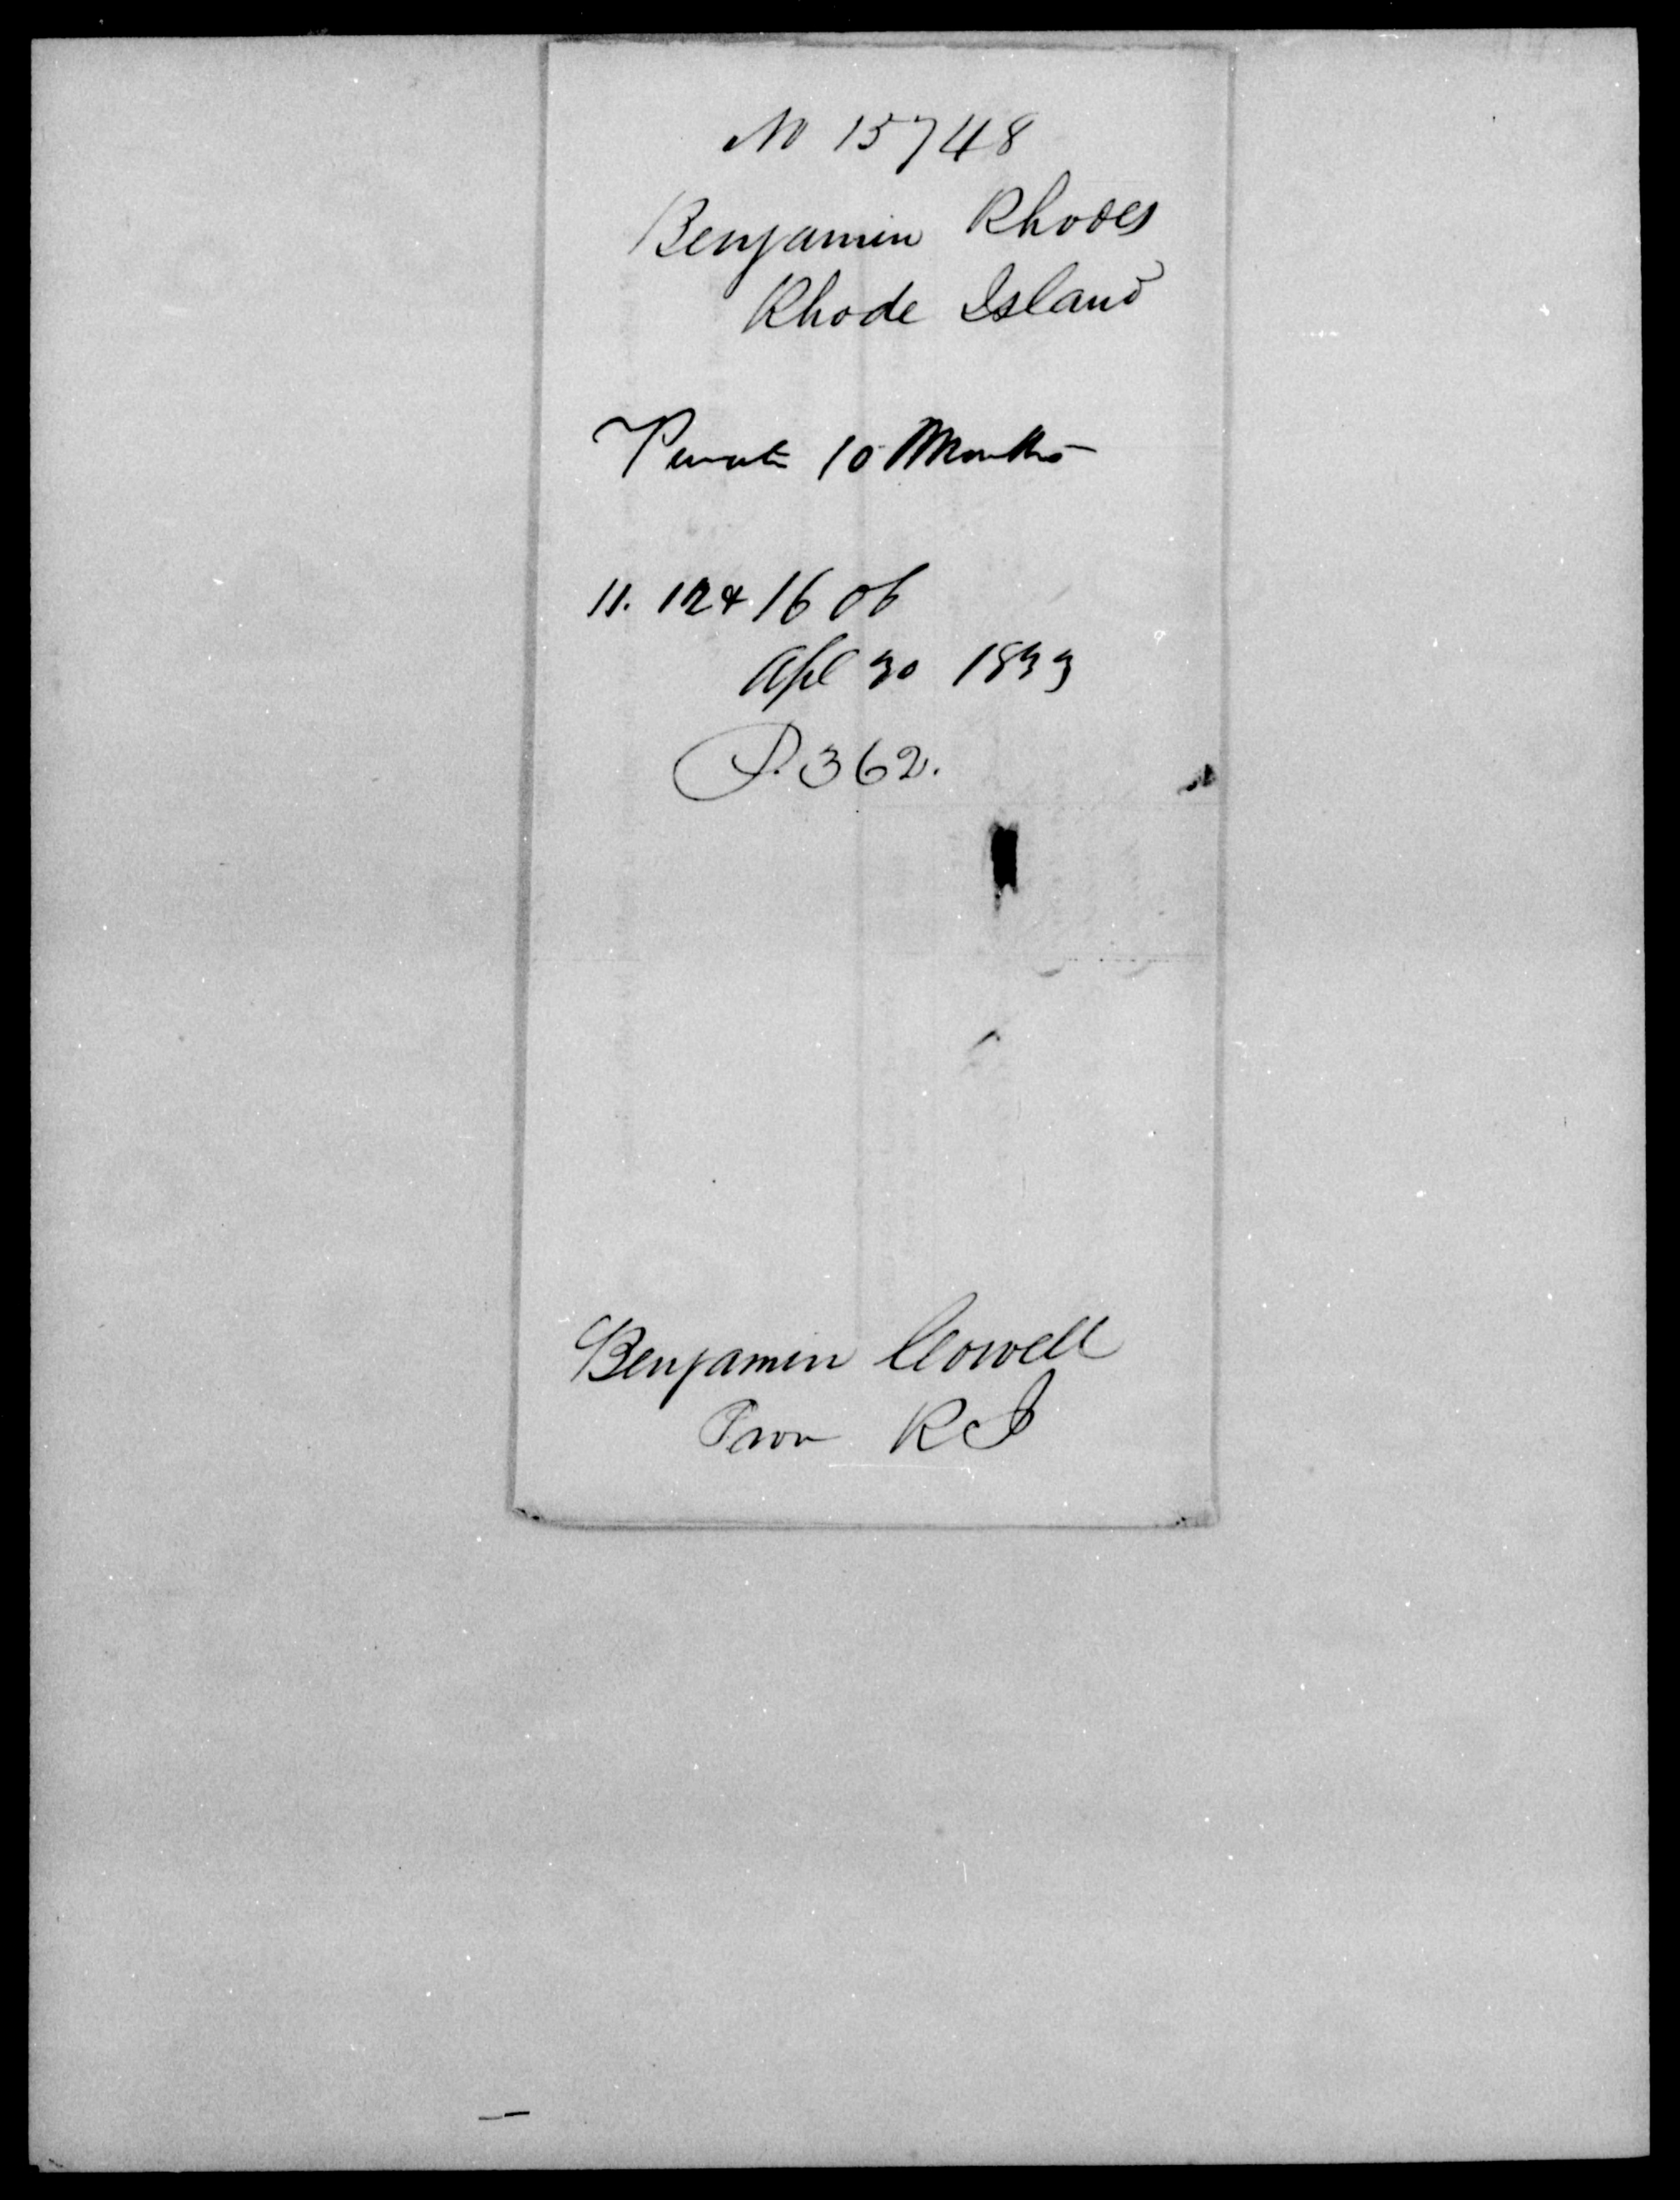No 15748
Benjamin Rhodes
Rhode Island
Private 10 months
11. 12 & 16 of
Apl 30 1843
P 362.
Benjamin
Cowell
Prov
RI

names: Benjamin Cowell; Benjamin Rhodes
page: 21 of 50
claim: widow's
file: W. 22058, for Benjamin Rhodes, Rhode Island